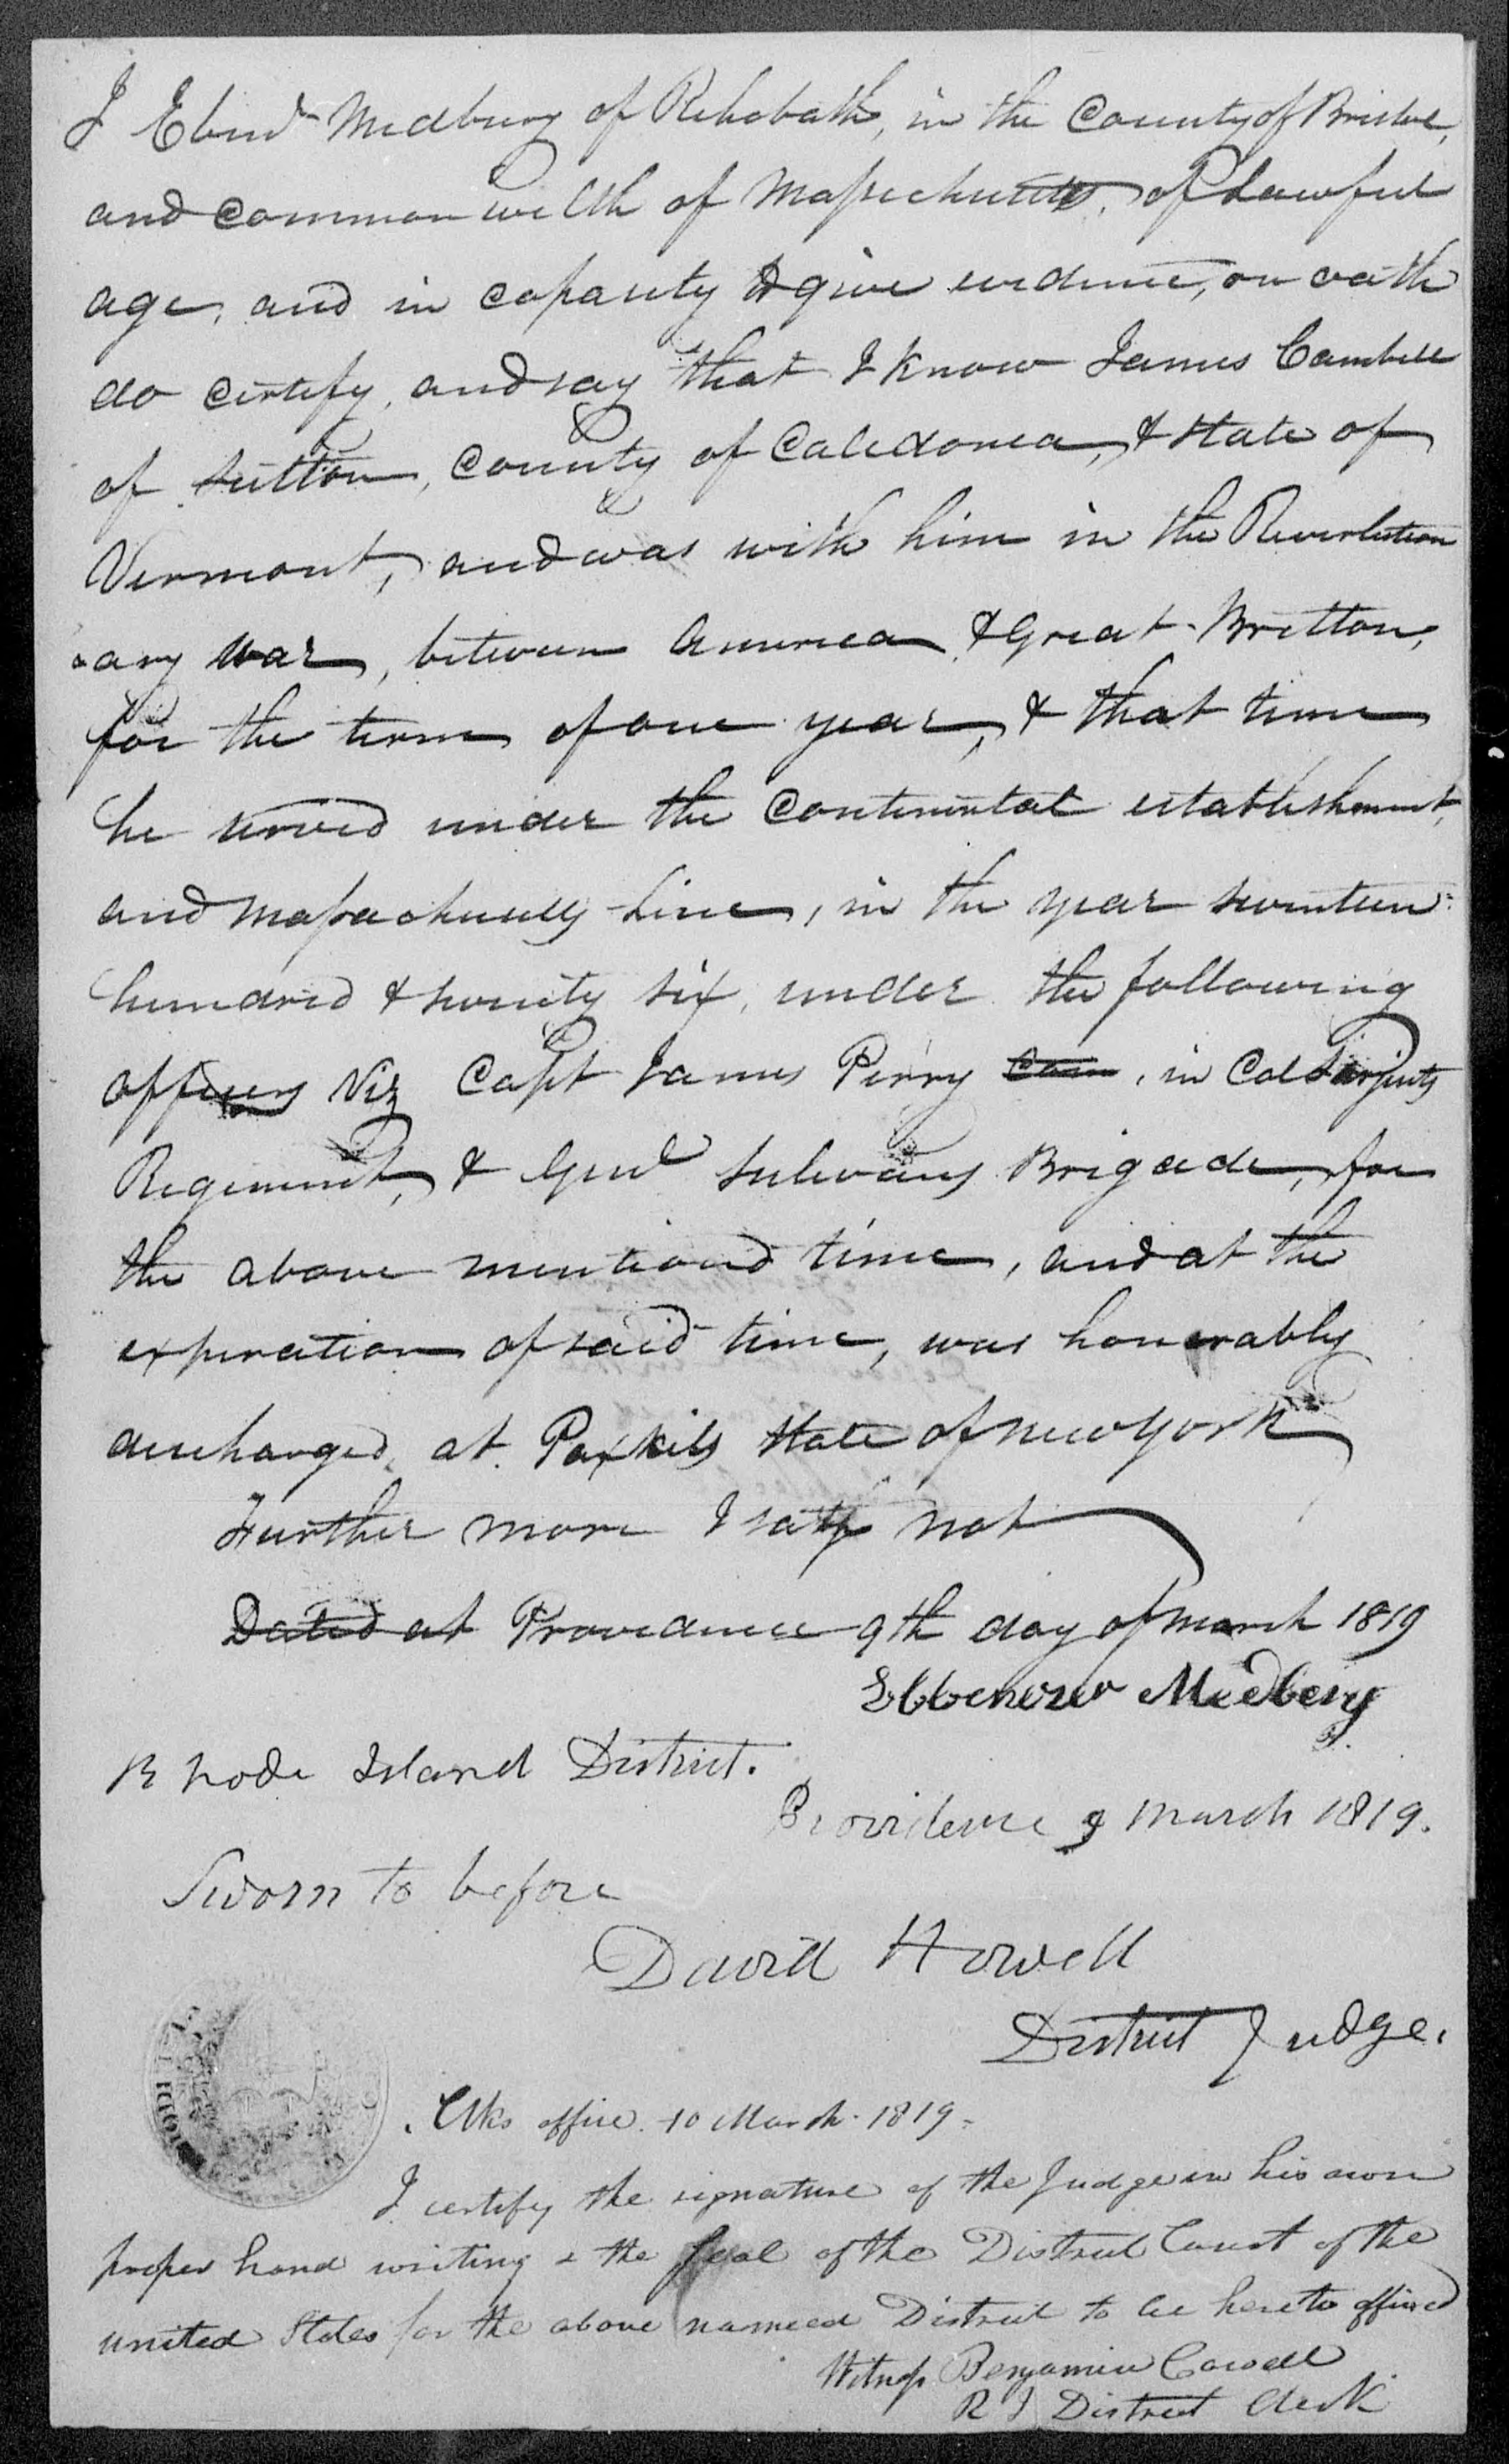I Ebenr. Medbury of Rehoboth, in the County of Bristol, and commonwealth of Massachusetts, of lawful age, and in capacity to give evidence, on oath do certify, and say that I know James Cambell of Sutton, County of Caledonia, & state of Vermont, and was with him in the Revolutionary war, between Amercia & Great Britton (Britain), for the term of one year, & that time he served under the continental establishment, and Massachusetts Line, in the year seventeen hundred & twenty six, under the following officers Viz Capt James Perry in Col Sargents Regiment, & Genl. Sulivans Brigade, for the above mentioned time, and at the expiration of said time, was honorably discharged, at Paxkill (Peekskill) State of new york
Further more I saith not
Dated at Providence 9th day of March 1819
Ebenezer Medbury


Rhode Island District.
Providence 9 March 1819.
Sworn to before
David Howell
District Judge.


Clks Office 10 March 1819.
I certify the signature of the Judge in his own
proper hand writing & the seal of the District Court of the United States for the above named District to be hereto affixed
Witness Benjamin Cassell
R I District Clerk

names: Ebenr Medbury, James Cambell, Benjamin Cassell, David Howell, Ebbenezer Medbery, James Perry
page: 57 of 67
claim: widow's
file: W. 23772, James Campbell, Continental Mass.